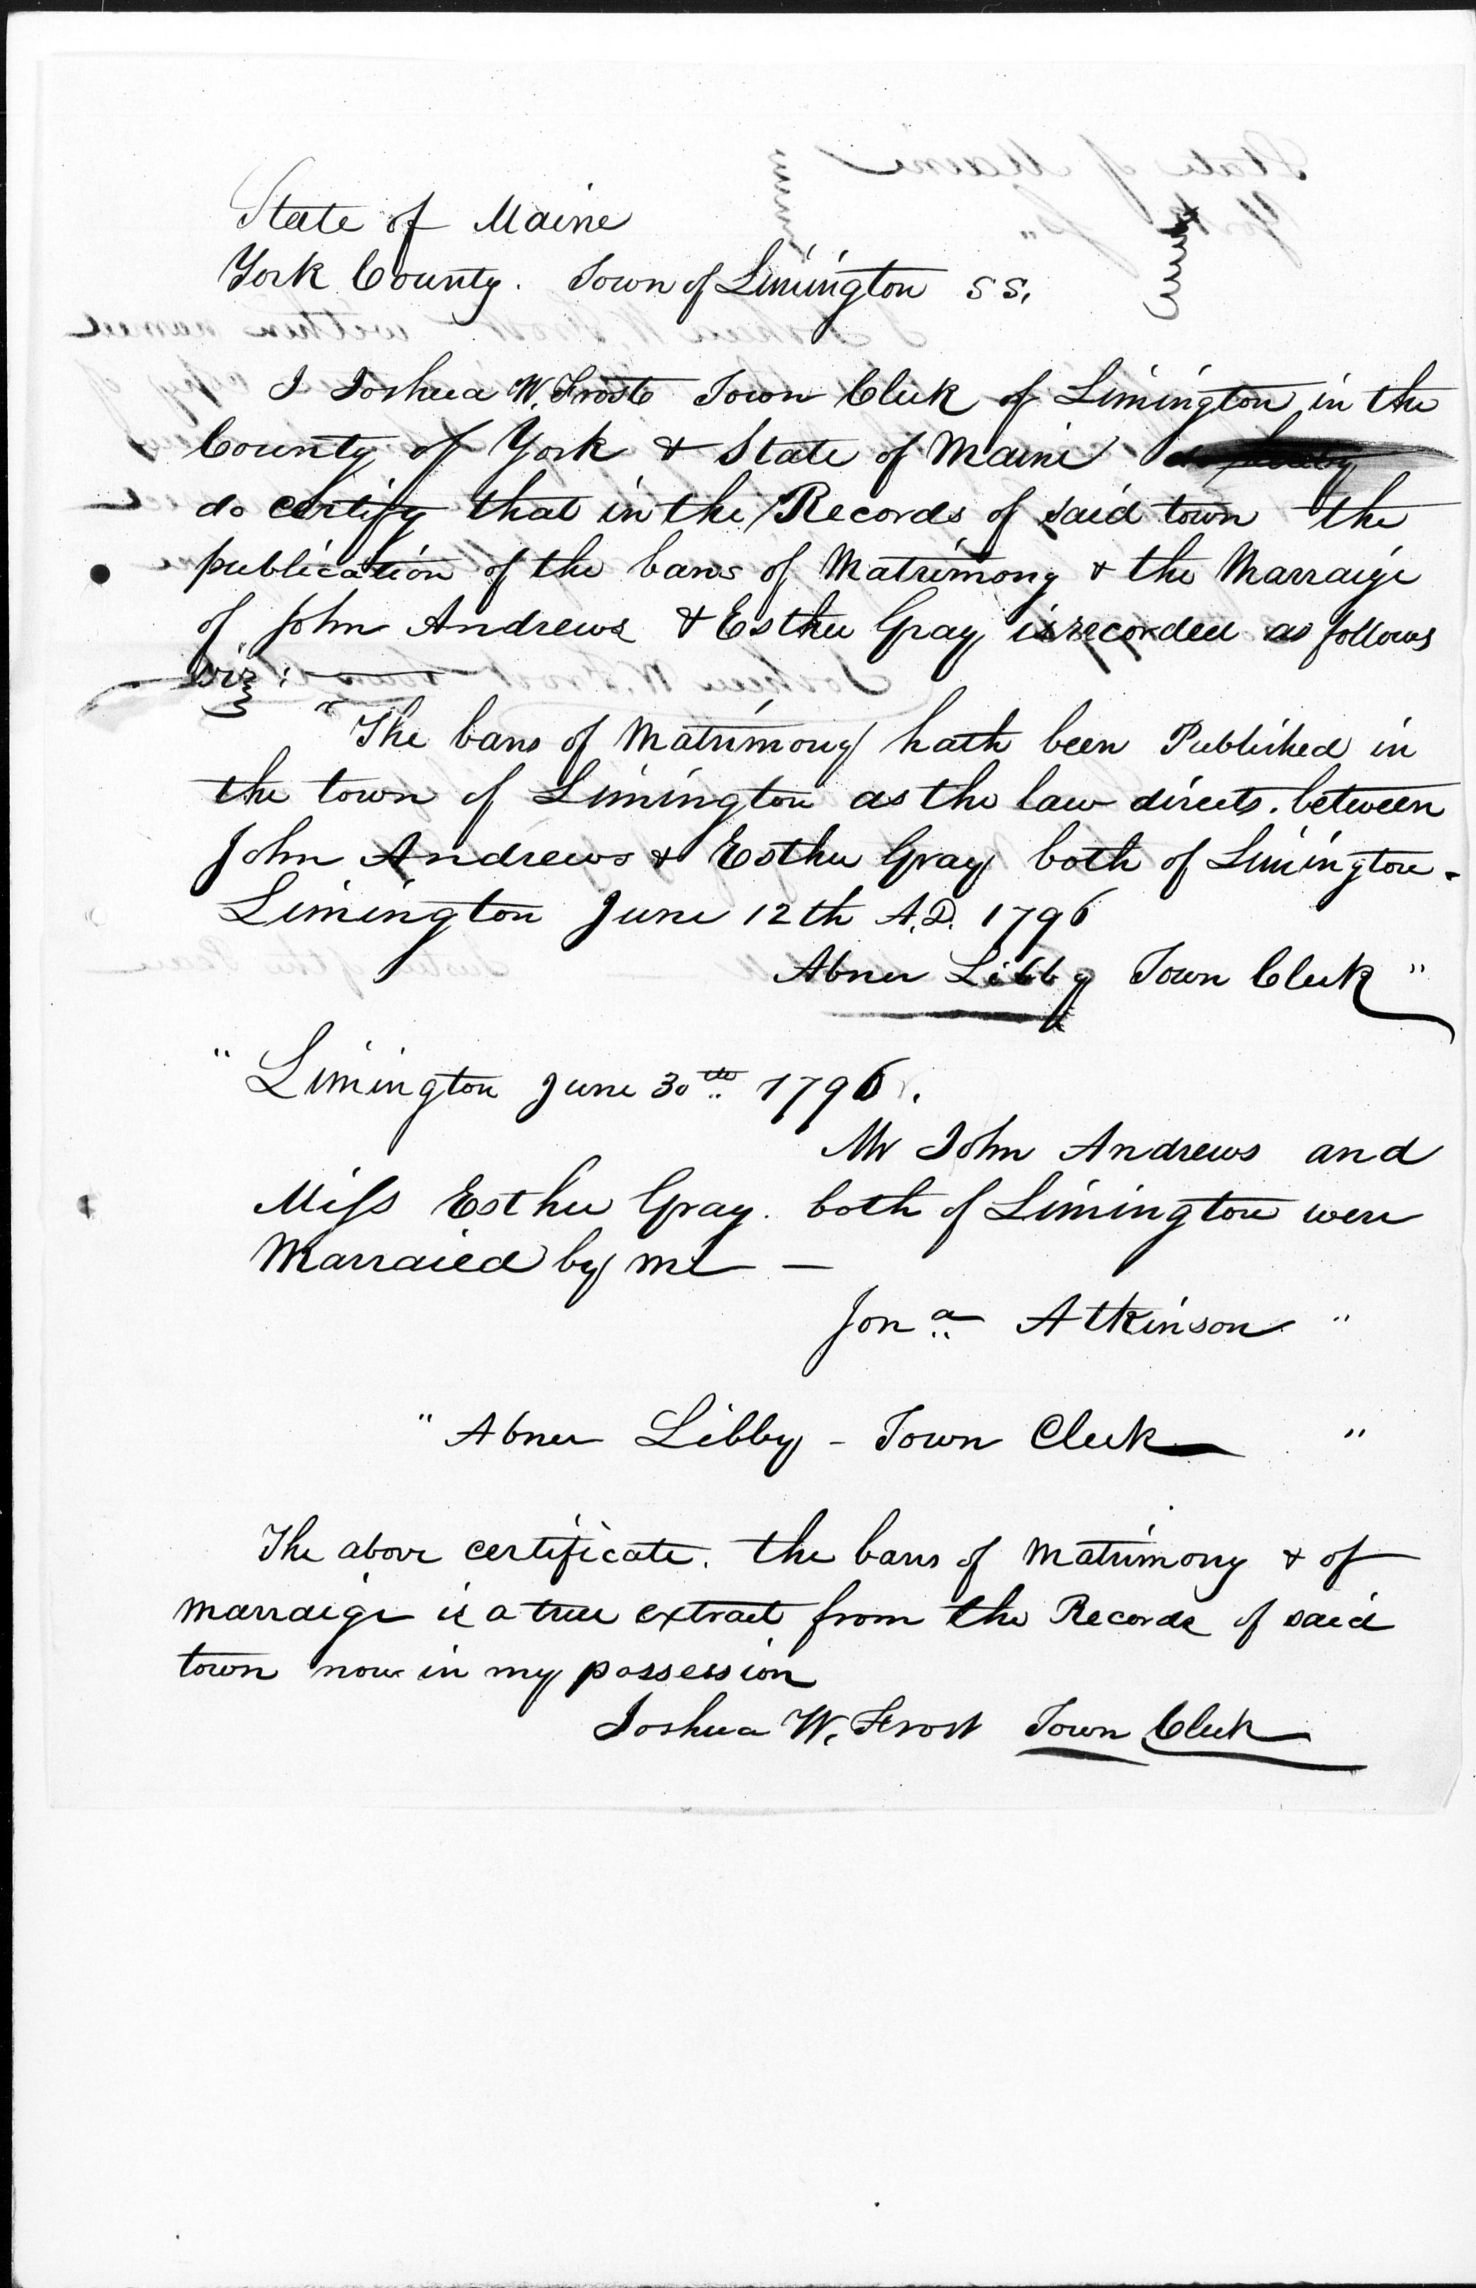State of Maine
York County. Town of Limington SS

I Joshua W. Frost Town Clerk of Lemington in the County of York & State of Maine do certify that in the Records of said town the publication of the banns of Matrimony & the Marriage of John Andrews & Esther Gray is recorded as follows viz 

The banns of Matrimony hath been published in the town of  Limington as the law directs, between John Andrews & Esther Gray both of Limington, Limington June 12th A.D. 1796 

Abner Libby, Town Clerk

Lemington June 30th 1796 

Mr John Andrews and Miss Esther Gray both of Limington were Married by me - Jona Atkinson 

Abner Libby- Town Clerk 

The above certificate, the banns of matrimony and of marriage is a true extract from the Records of said town now in my possession.

Joshua W. Frost,  Town Clerk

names: Abner Libby, Jona Atkinson, Abner Libby, John Andrews, Joshua W Frost, Esther Gray, Esther Gray, Joshua W Frost, John Andrews, John Andrews, Esther Gray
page: 14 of 23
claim: widow's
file: W. 1693, John Andrews, Mass.